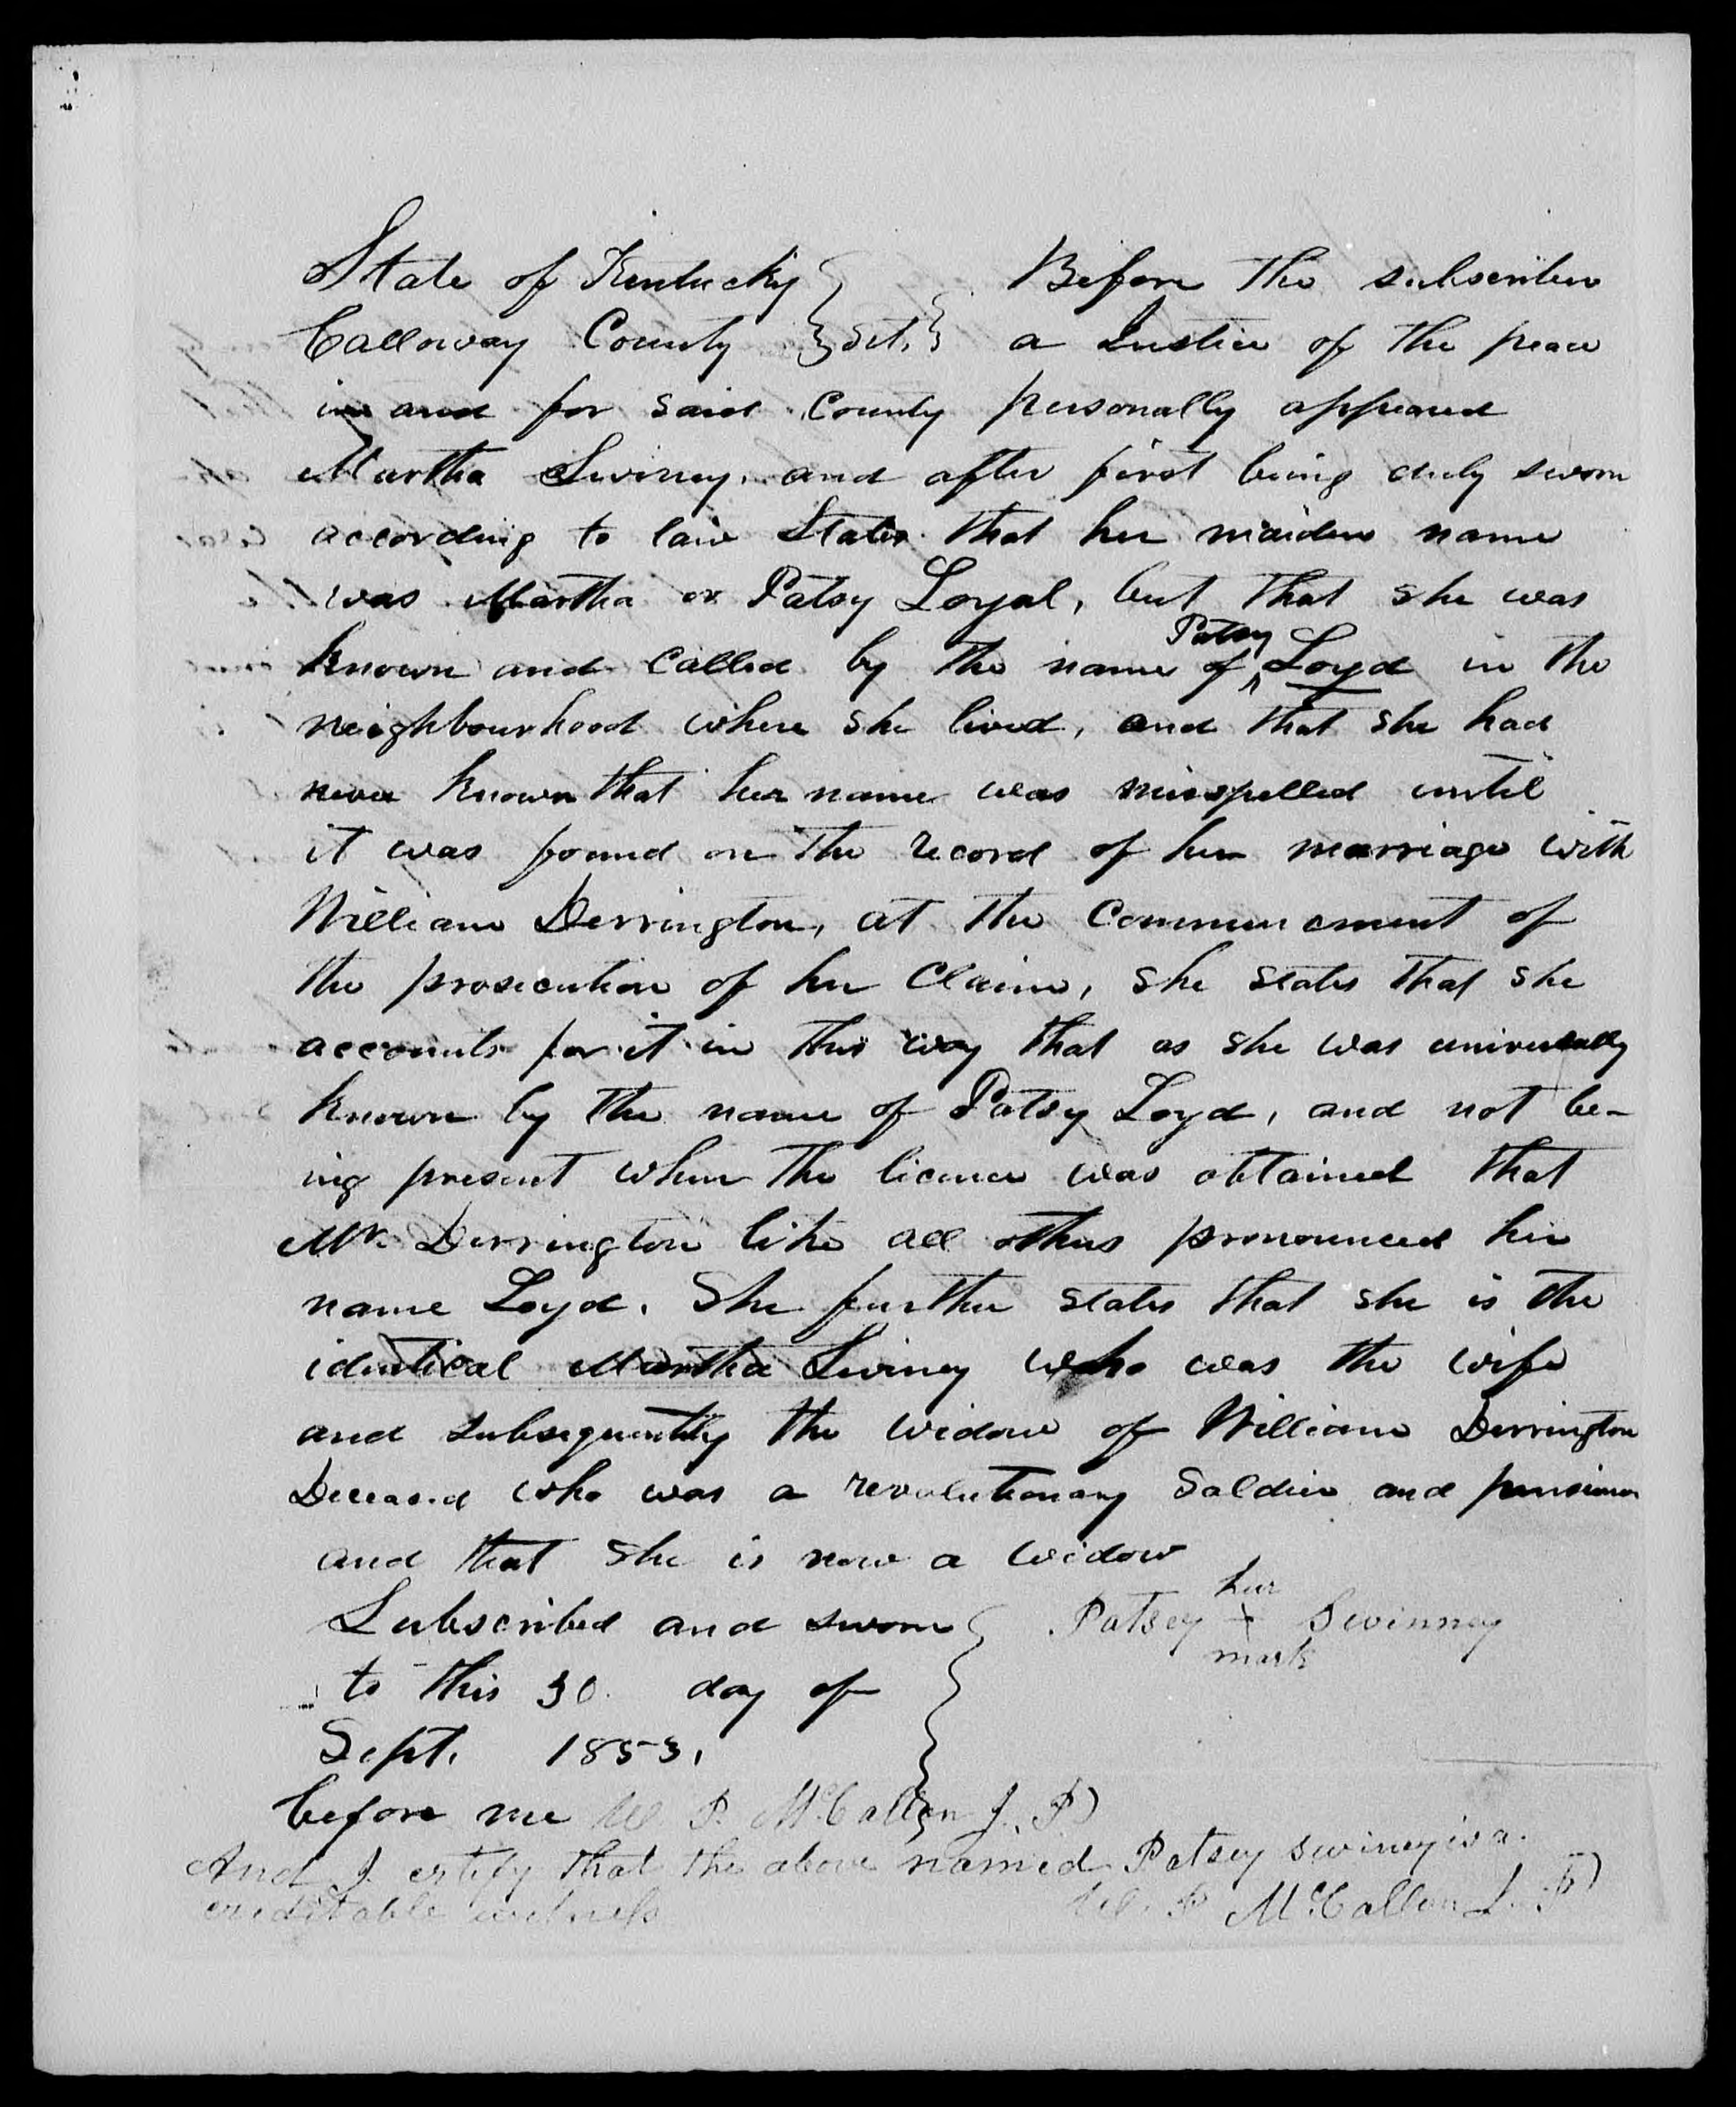State of Kentucky 
Calloway County Set. 
Before the subscriber a Justice of the peace in and for said County personally appeared Martha Swiney and after first being duly sworn according to law states that her maiden name was Martha of Patsy Loyal [Loyd] but that she was known and called by the name of ^Patsy Loyd in the neighbourhood where she lived, and that she had never known that her name was misspelled until it was found on the record of her marriage with William Durrington , at the commencment of the prosecution of her claim, she states that she accounts for it in this way that as she was universally known by the name of Patsy Loyd, and not being present when the licence [license] was obtained that Mr Durrington like all other pronounced his name Loyd. She further states that she is the identical Martha Swiney who was the wife and subsequently the widow of William Durrington Deceased who was a revolutionary soldier and pensioner and that she is now a widow her Subscribed and sworn ⎬ Patsey Swinney to this 30 day of Sept. 1853, mark before me W. P. McCallan J.P. I certify that the above named Patsey Swiney ditable witness . McCallan J.P.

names: W P Mc Callon, William Derrington, Patsy Loyal, Martha Loyal, Patsy Loyd, Patsy Loyd, Wm P Mc Callon, William Derrington, Patsey Swinney, Loyd, Martha Swiney, Derrington, Patsey Swiney, Martha Swiney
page: 47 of 51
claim: widow's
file: W. 27,409, William Dunnington, Md.